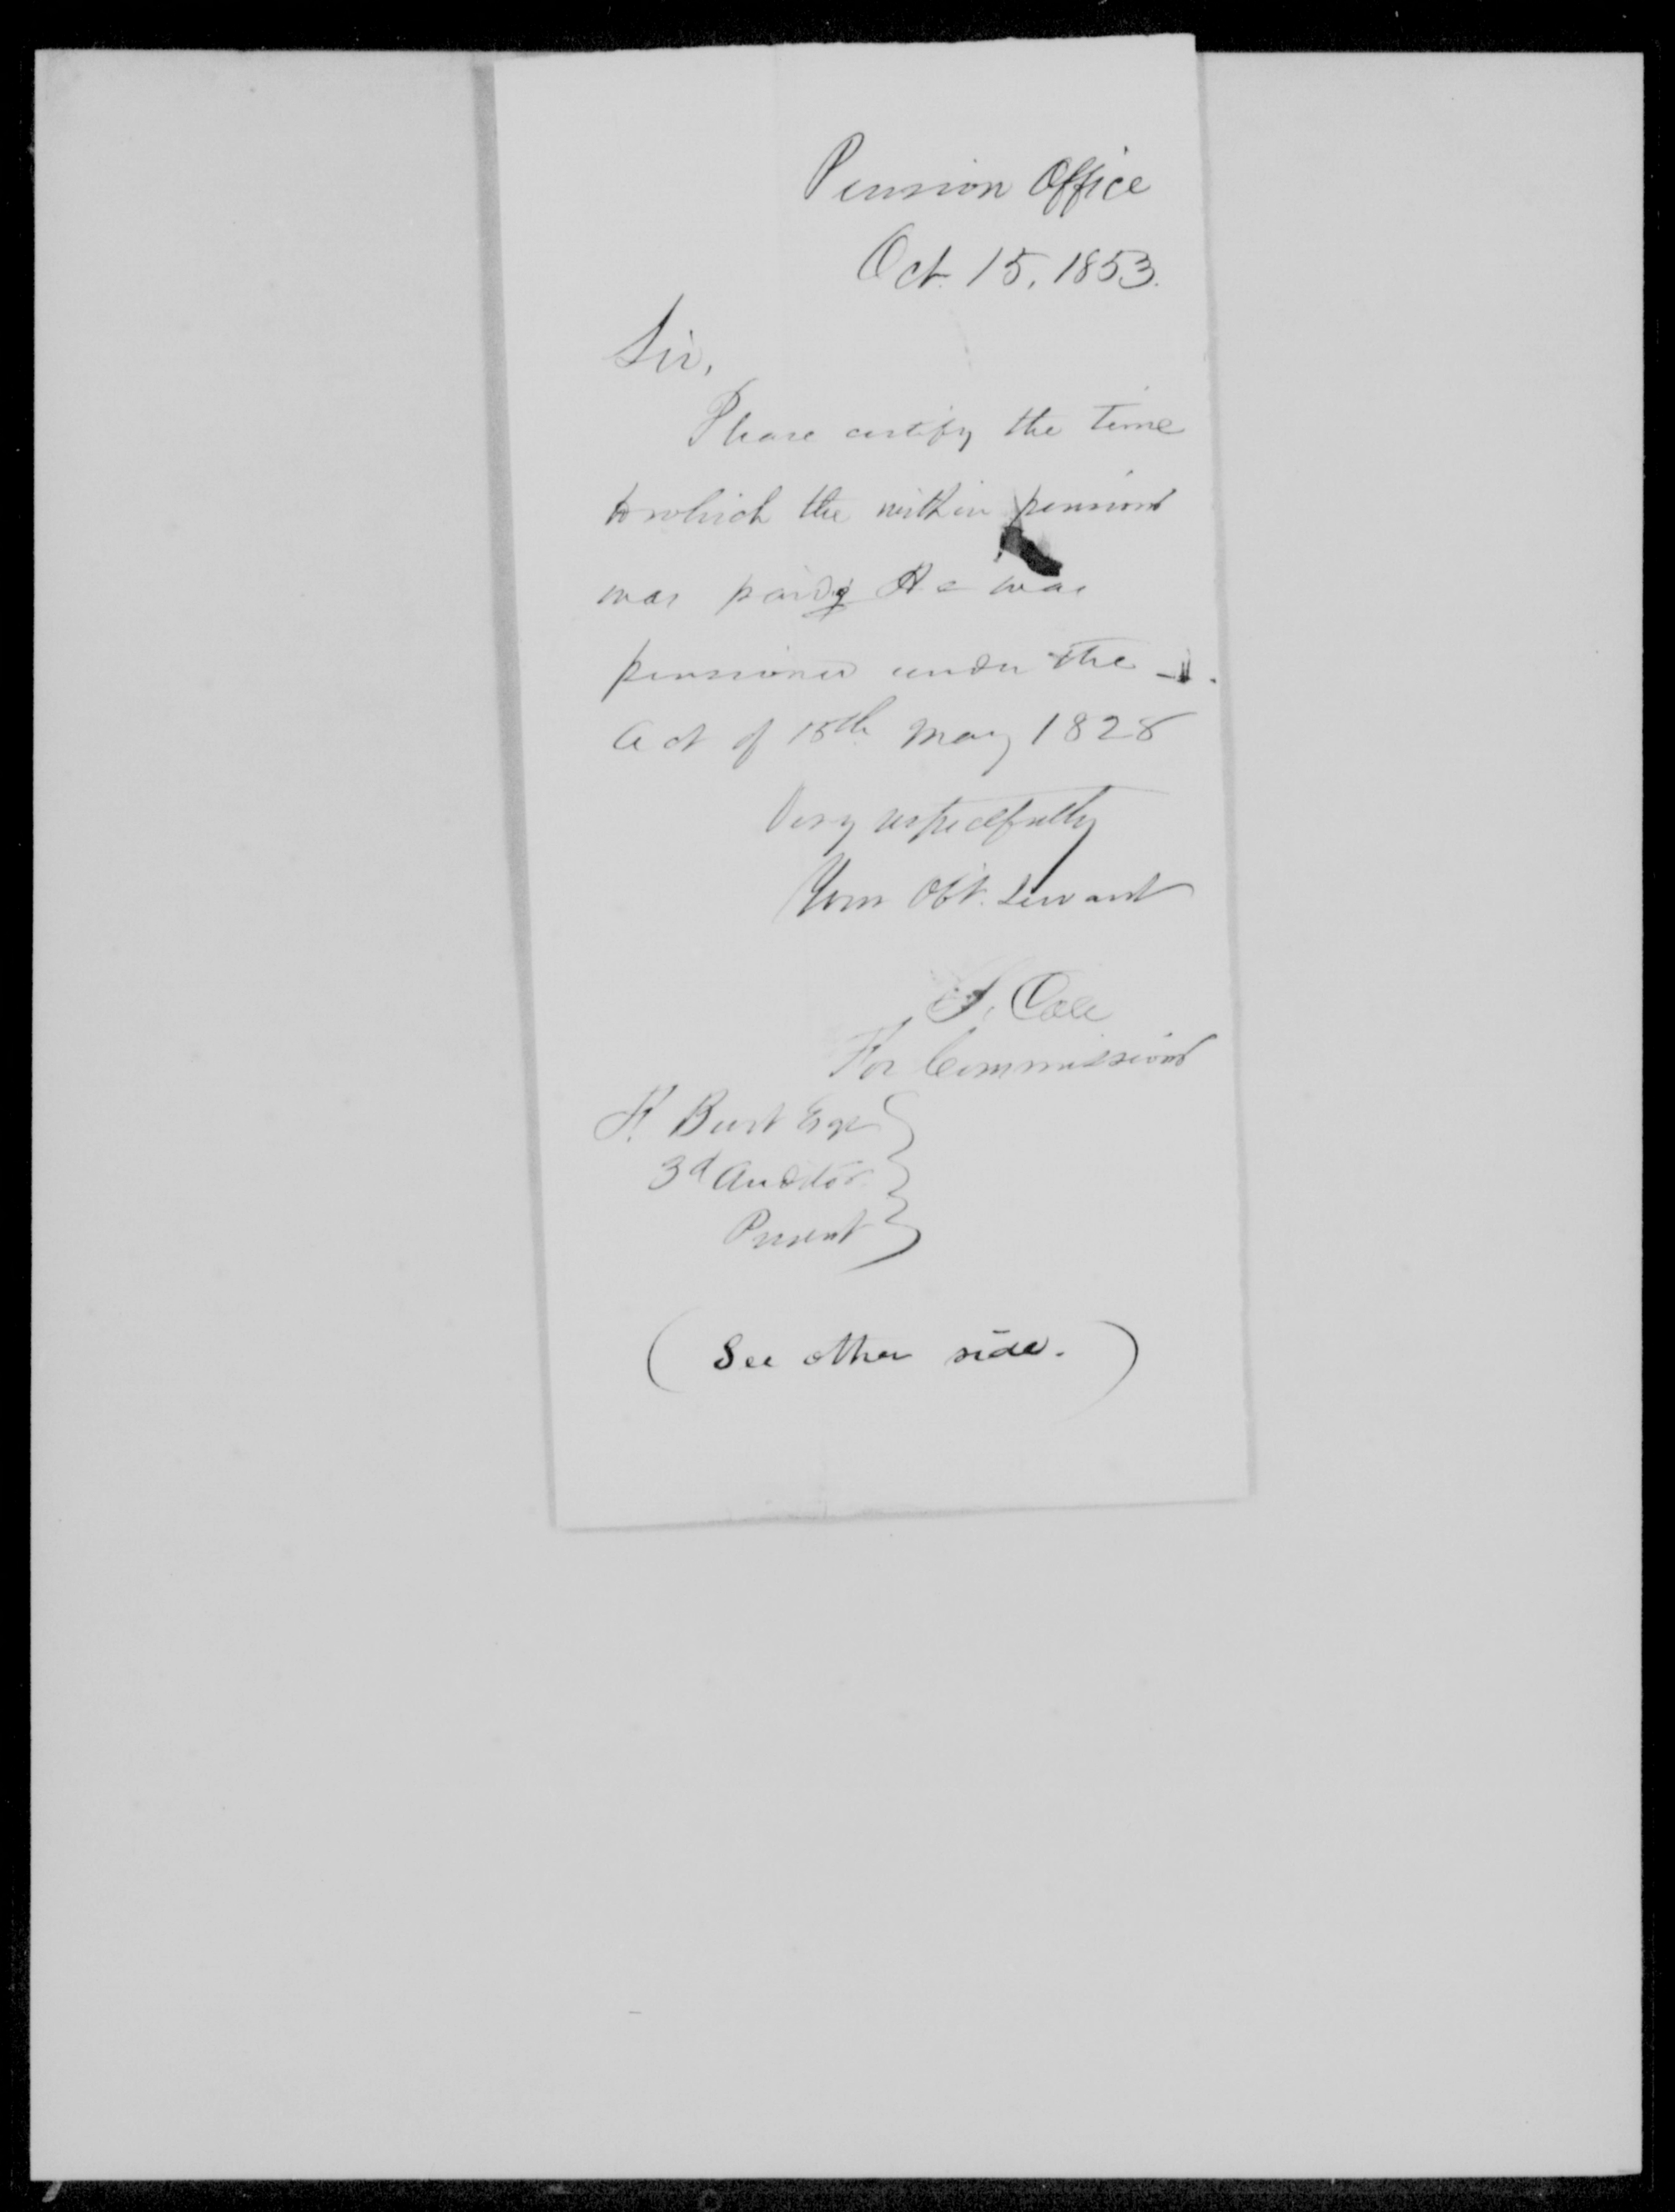Pension Office
Oct 15, 1853

Sir,
Please certify the time to which the within pension was paid. He was pensioner under the act of 15th May 1828
Very respectfully
Your Obt Servant
J. Cole
For Commissioner
F Burt Esqr 
3d Auditor
Present

( See other side. )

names: J Carr, F Bush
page: 25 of 59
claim: widow's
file: W. 6427, Samuel Waples, Va.